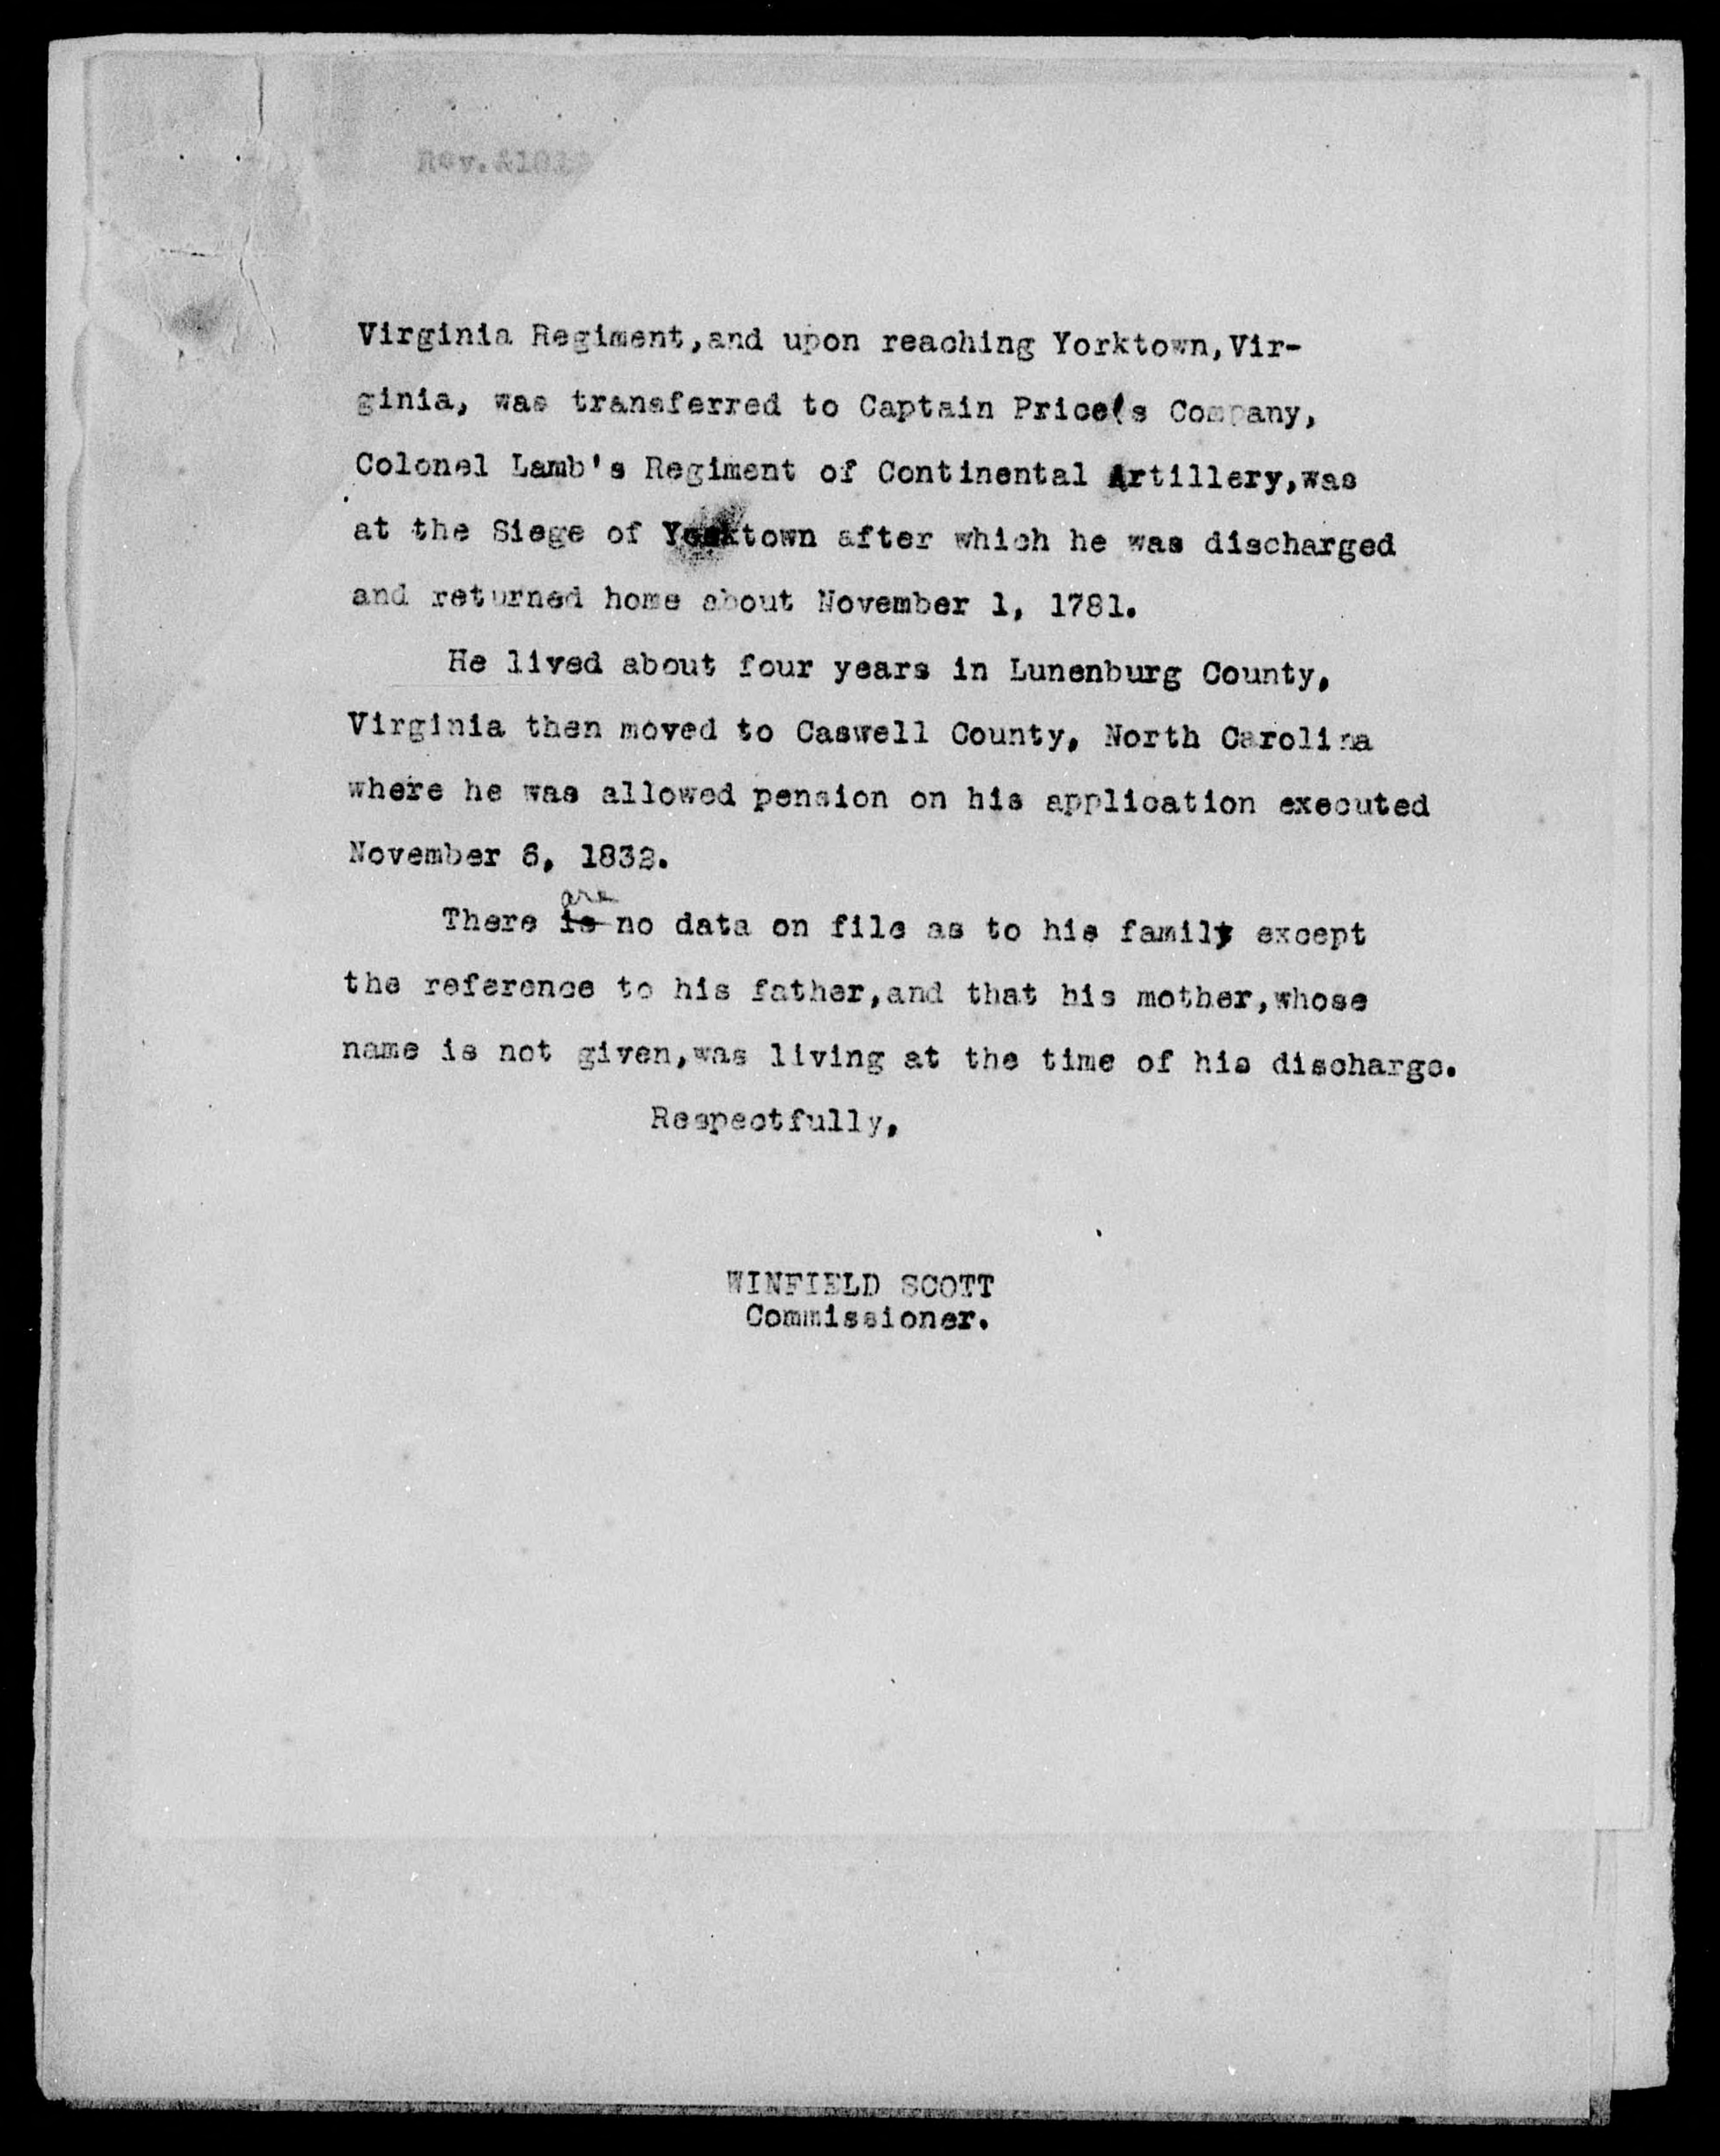Rev. & 1812

Virginia Regiment, and upon reaching Yorktown, Virginia, was transferred to Captain Price's Company, Colonel Lamb's Regiment of Continental Artillery, was at the Siege of Yorktown after which he was discharged and returned home about November 1, 1781. 
He lived about four years in Lunenburg County, Virginia then moved to Caswell County, North Carolina where he was allowed pension on his application executed November 8, 1832. 
There [crossed out: is] are no data on file as to his family except the reference to his father, and that his mother, whose name is not given, was living at the time of his discharge. 
Respectfully, 
WINFIELD SCOTT 
Commissioner.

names: Winfield Scott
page: 31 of 58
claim: survivor's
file: S. 6,941, Starling Gunn, Continental Va.